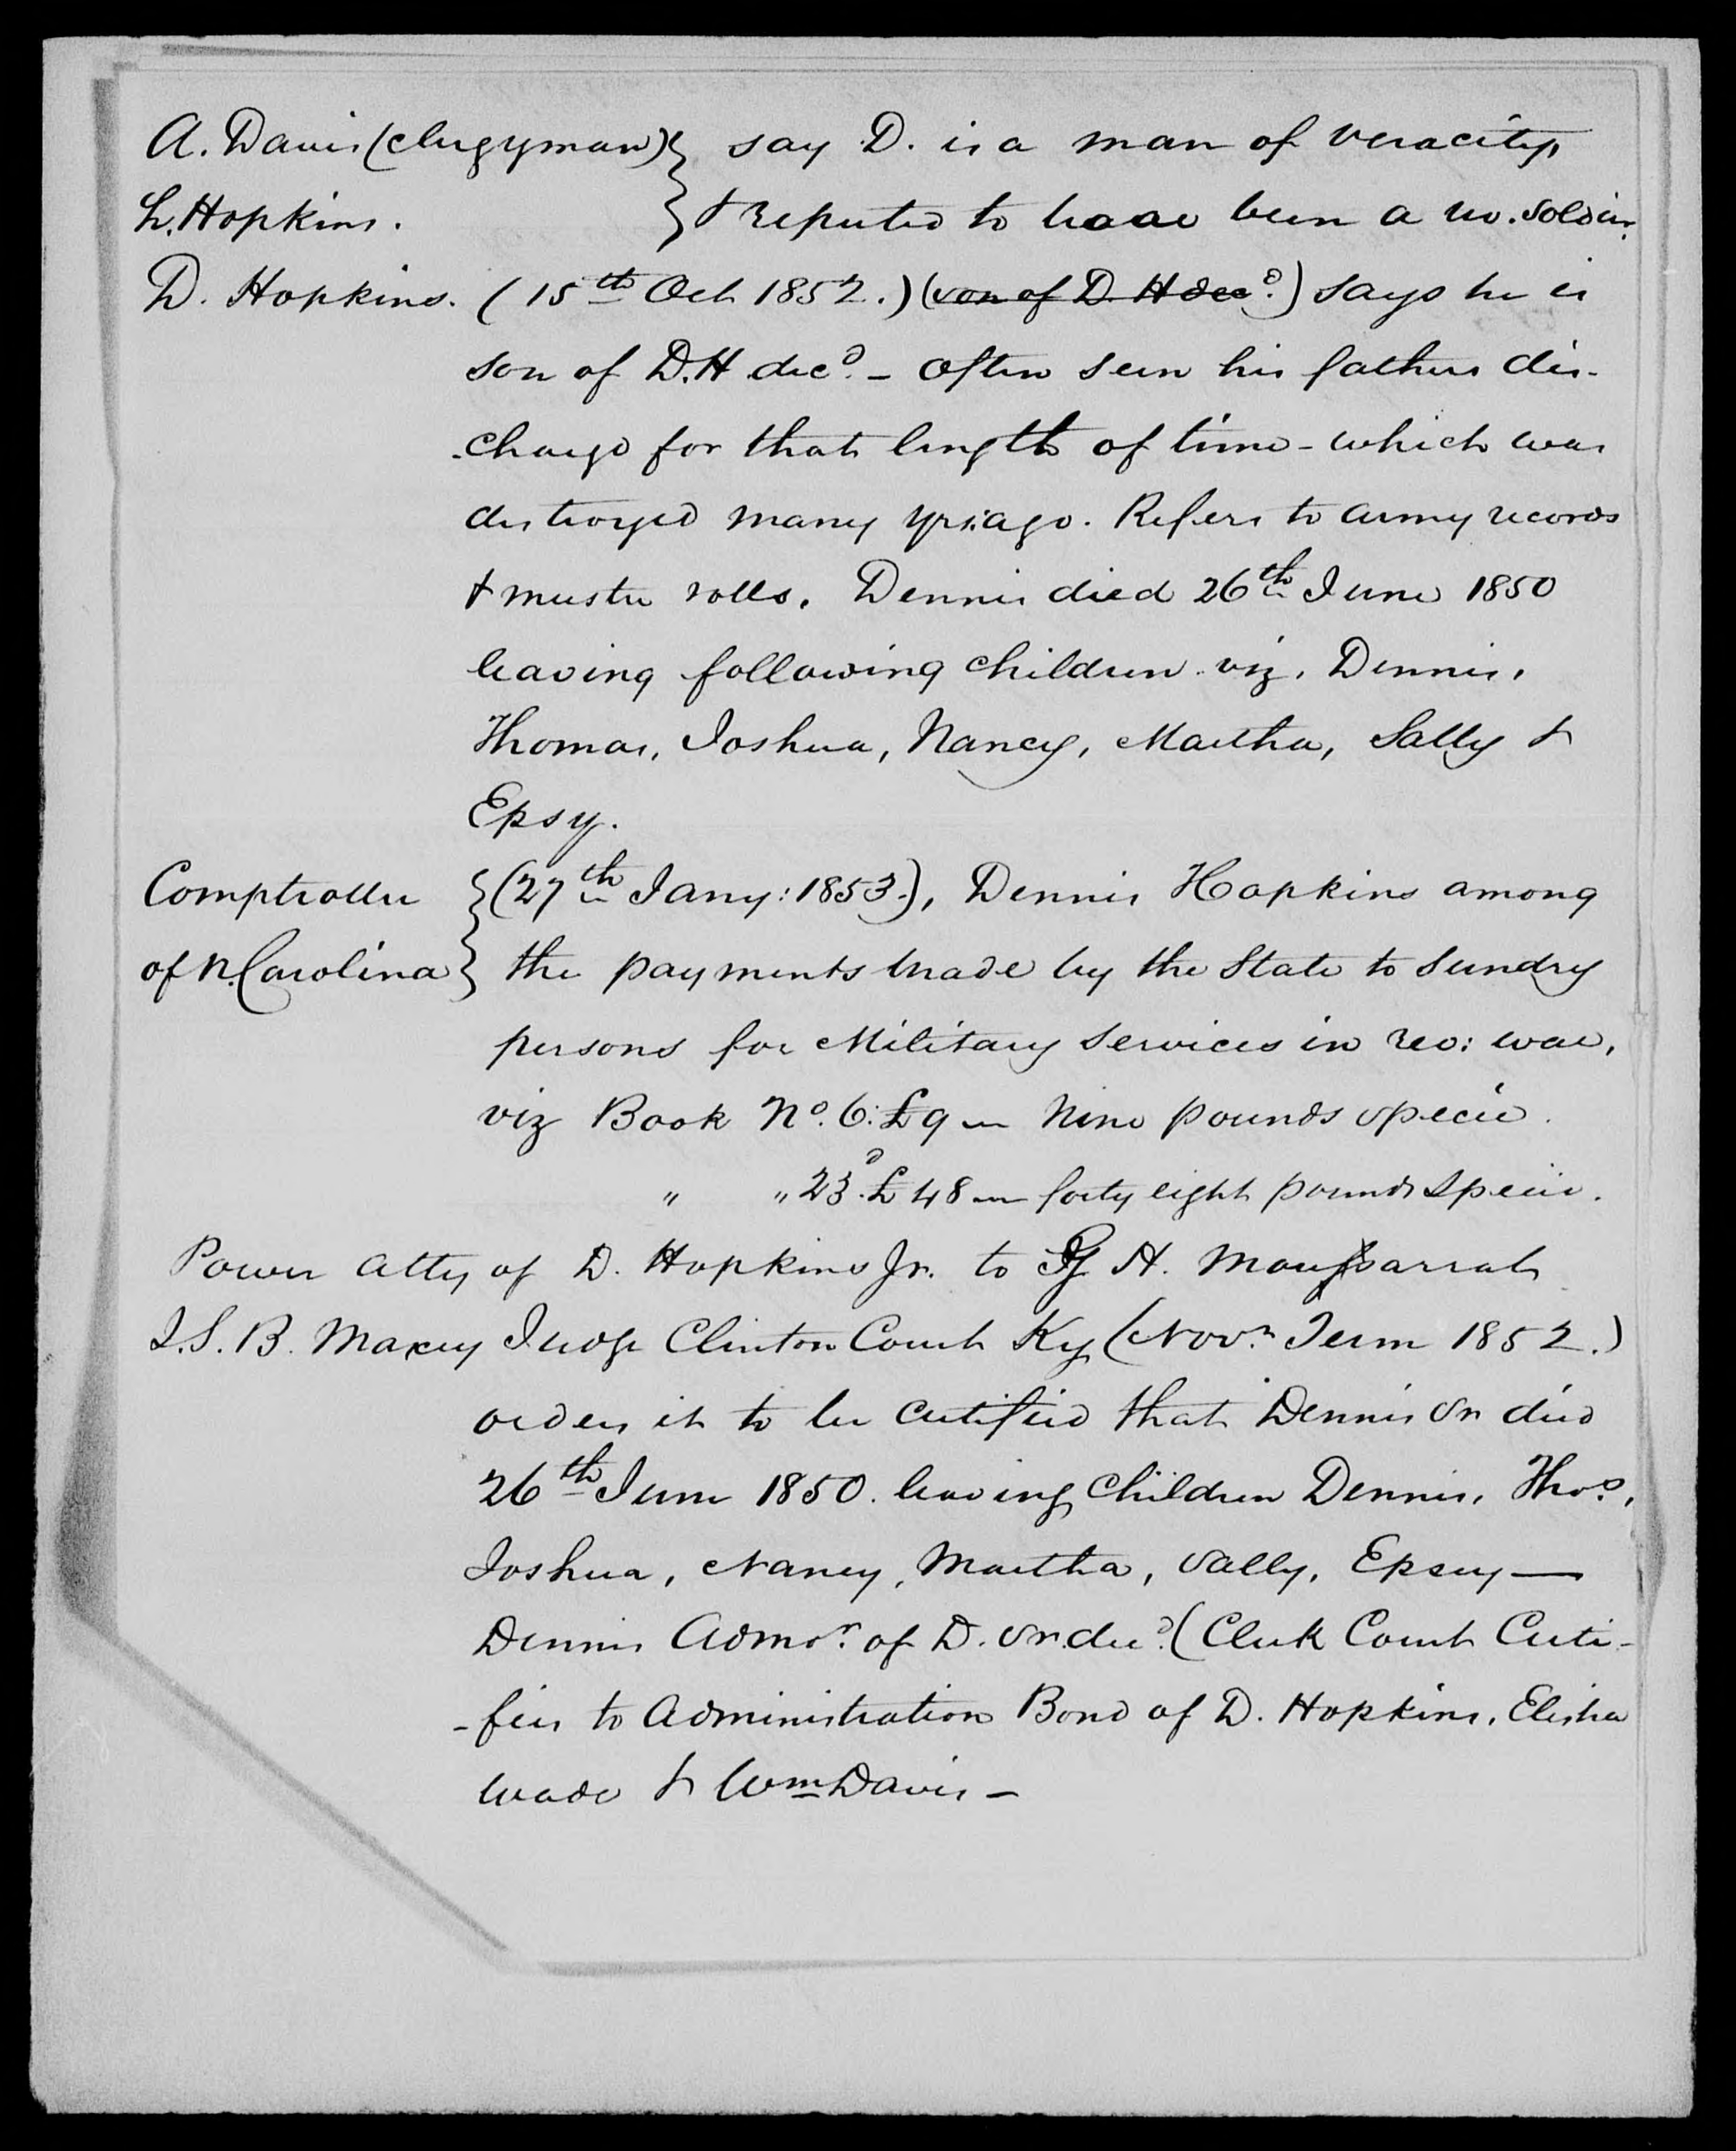A.Davis (clergyman)
L Hopkins
D. Hopkins  }   Say D. is a man of veracity and reputed to have been a rev. soldier. (15th October. 1852)(son of D. H decd ) says his is son of D. H decd- often seen his fathers discharge for that length of time- which was destroyed many yrs ago. Refers to army records and muster rolls. Dennis died 26th June 1850 leaving following children vix. Dennis, Thomas, Joshua, Nancy, Martha, Sally and Epsy.
Comptroller of N. Carolina  }  (27th Jany 1853) Dennis Hopkins among the payments made by the State to Sundry persons for Military Services in Rev: war, viz Book No. 6 £9- nine pounds specie viz Book No. 23 £48- forty eight pounds specie.
Power Atty of D Hopkins Jr to G H Monsarrat
J.S. B. Maxey Judge Clinton Court Ky (Nov.Term 1852)
order it to be certified that Dennis sr. Died 26th June 1850. leaving children Dennis, Thos, Joshua, Nancy, Martha, Sally, Epsey- Dennis Admr of D [illegible] (Clerk Court certifies to administration Bond of D. Hopkins, Elisha Wade and Wm Davis-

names: Martha, Nancy, Wm Davis, L Hopkins, G H Monsarrat, Dennis Hopkins, A Davis, Sally, Elisha Wade, Thomas, S B Maxey, Joshua, Epsy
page: 48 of 144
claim: rejected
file: R. 5208, Dennis Hopkins, N.C.